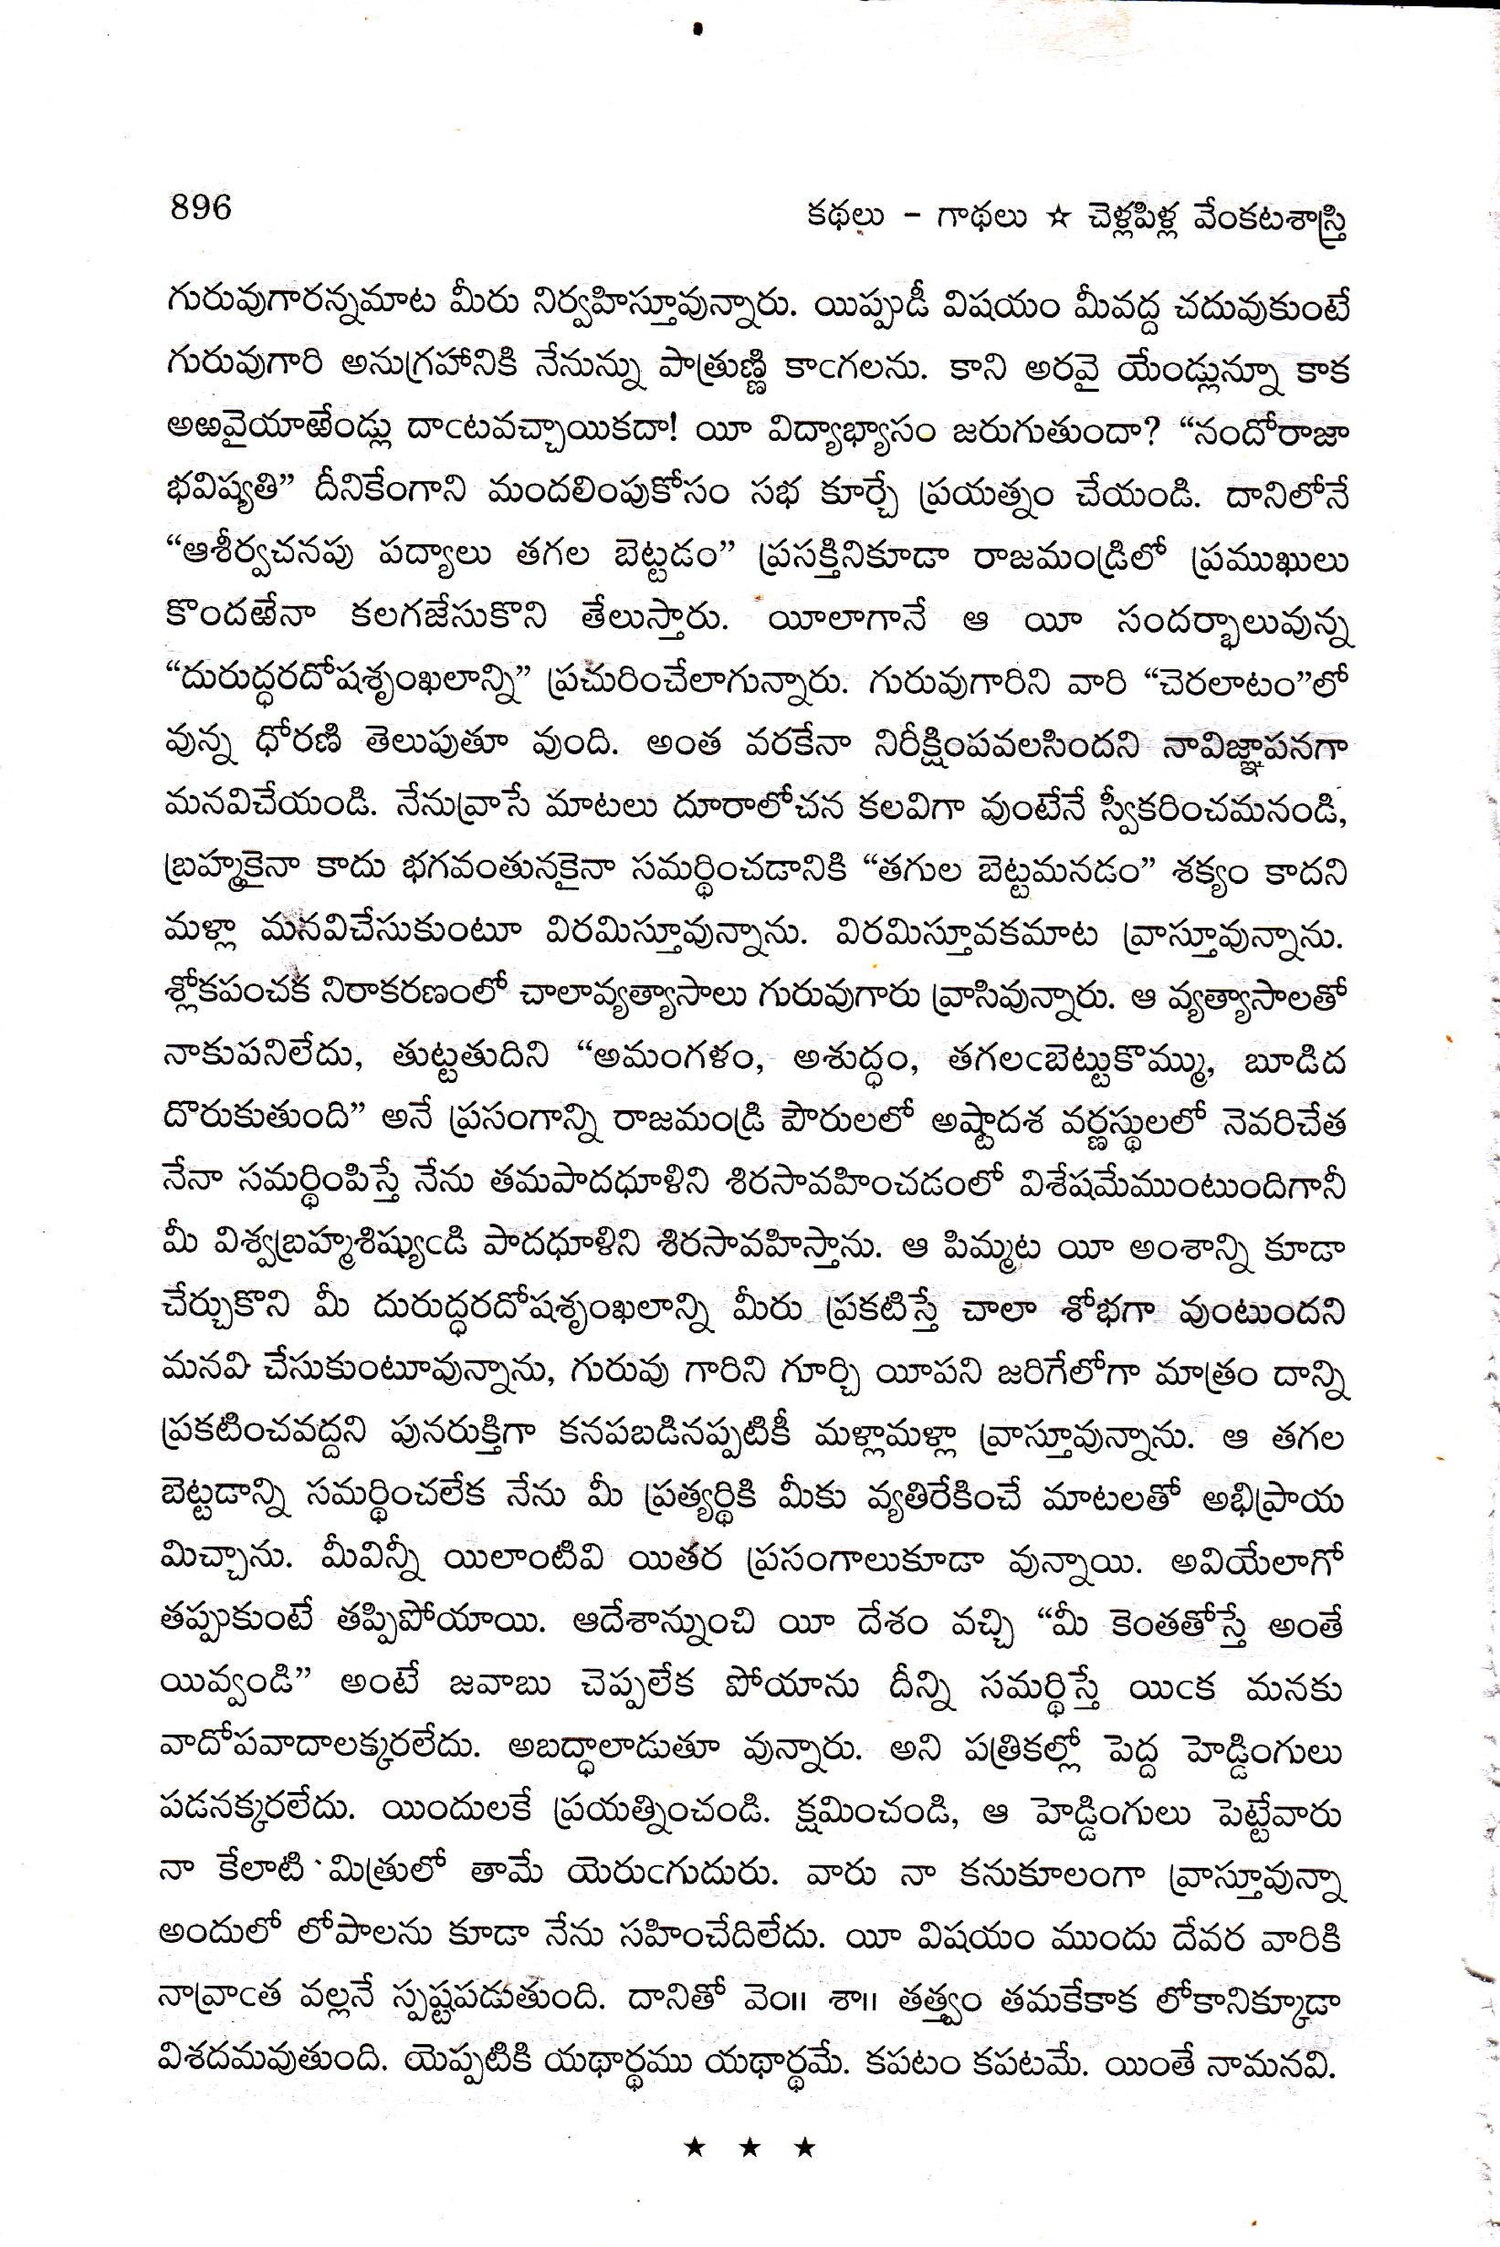గురువుగారన్నమాట మీరు నిర్వహిస్తూవున్నారు. యిప్పుడీ విషయం మీవద్ద చదువుకుంటే గురువుగారి అనుగ్రహానికి నేనున్ను పాత్రుణ్ణి కాఁగలను. కాని అరవై యేండ్లున్నూ కాక అఱవైయాఱేండ్లు దాఁటవచ్చాయికదా! యీ విద్యాభ్యాసం జరుగుతుందా? “నందోరాజా భవిష్యతి" దీనికేంగాని మందలింపుకోసం సభ కూర్చే ప్రయత్నం చేయండి. దానిలోనే “ఆశీర్వచనపు పద్యాలు తగల బెట్టడం" ప్రసక్తినికూడా రాజమండ్రిలో ప్రముఖులు కొందఱేనా కలగజేసుకొని తేలుస్తారు. యీలాగానే ఆ యీ సందర్భాలువున్న “దురుద్ధరదోషశృంఖలాన్ని" ప్రచురించేలాగున్నారు. గురువుగారిని వారి "చెరలాటం"లో వున్న ధోరణి తెలుపుతూ వుంది. అంత వరకేనా నిరీక్షింపవలసిందని నావిజ్ఞాపనగా మనవిచేయండి. నేనువ్రాసే మాటలు దూరాలోచన కలవిగా వుంటేనే స్వీకరించమనండి, బ్రహ్మకైనా కాదు భగవంతునకైనా సమర్థించడానికి "తగుల బెట్టమనడం’ శక్యం కాదని మళ్లా మనవిచేసుకుంటూ విరమిస్తూవున్నాను. విరమిస్తూవకమాట వ్రాస్తూవున్నాను. శ్లోకపంచక నిరాకరణంలో చాలావ్యత్యాసాలు గురువుగారు వ్రాసివున్నారు. ఆ వ్యత్యాసాలతో నాకుపనిలేదు, తుట్టతుదిని "అమంగళం, అశుద్ధం, తగలఁబెట్టుకొమ్ము, బూడిద దొరుకుతుంది” అనే ప్రసంగాన్ని రాజమండ్రి పౌరులలో అష్టాదశ వర్ణస్థులలో నెవరిచేత నేనా సమర్ధింపిస్తే నేను తమపాదధూళిని శిరసావహించడంలో విశేషమేముంటుందిగానీ మీ విశ్వబ్రహ్మశిష్యుఁడి పాదధూళిని శిరసావహిస్తాను. ఆ పిమ్మట యీ అంశాన్ని కూడా చేర్చుకొని మీ దురుద్ధరదోషశృంఖలాన్ని మీరు ప్రకటిస్తే చాలా శోభగా వుంటుందని మనవి చేసుకుంటూవున్నాను, గురువు గారిని గూర్చి యీపని జరిగేలోగా మాత్రం దాన్ని ప్రకటించవద్దని పునరుక్తిగా కనపబడినప్పటికీ మళ్లామళ్లా వ్రాస్తూవున్నాను. ఆ తగల బెట్టడాన్ని సమర్ధించలేక నేను మీ ప్రత్యర్థికి మీకు వ్యతిరేకించే మాటలతో అభిప్రాయ మిచ్చాను. మీవిన్నీ యిలాంటివి యితర ప్రసంగాలుకూడా వున్నాయి. అవియేలాగో తప్పుకుంటే తప్పిపోయాయి. ఆదేశాన్నుంచి యీ దేశం వచ్చి “మీ కెంతతోస్తే అంతే యివ్వండి" అంటే జవాబు చెప్పలేక పోయాను దీన్ని సమర్ధిస్తే యింక మనకు వాదోపవాదాలక్కరలేదు. అబద్ధాలాడుతూ వున్నారు. అని పత్రికల్లో పెద్ద హెడ్డింగులు పడనక్కరలేదు. యిందులకే ప్రయత్నించండి. క్షమించండి, ఆ హెడ్డింగులు పెట్టేవారు నా కేలాటి మిత్రులో తామే యెరుఁగుదురు. వారు నా కనుకూలంగా వ్రాస్తూవున్నా అందులో లోపాలను కూడా నేను సహించేదిలేదు. యీ విషయం ముందు దేవర వారికి నావ్రాఁత వల్లనే స్పష్టపడుతుంది. దానితో వెంll శాII తత్త్వం తమకేకాక లోకానిక్కూడా విశదమవుతుంది. యెప్పటికి యథార్థము యథార్థమే. కపటం కపటమే. యింతే నామనవి.